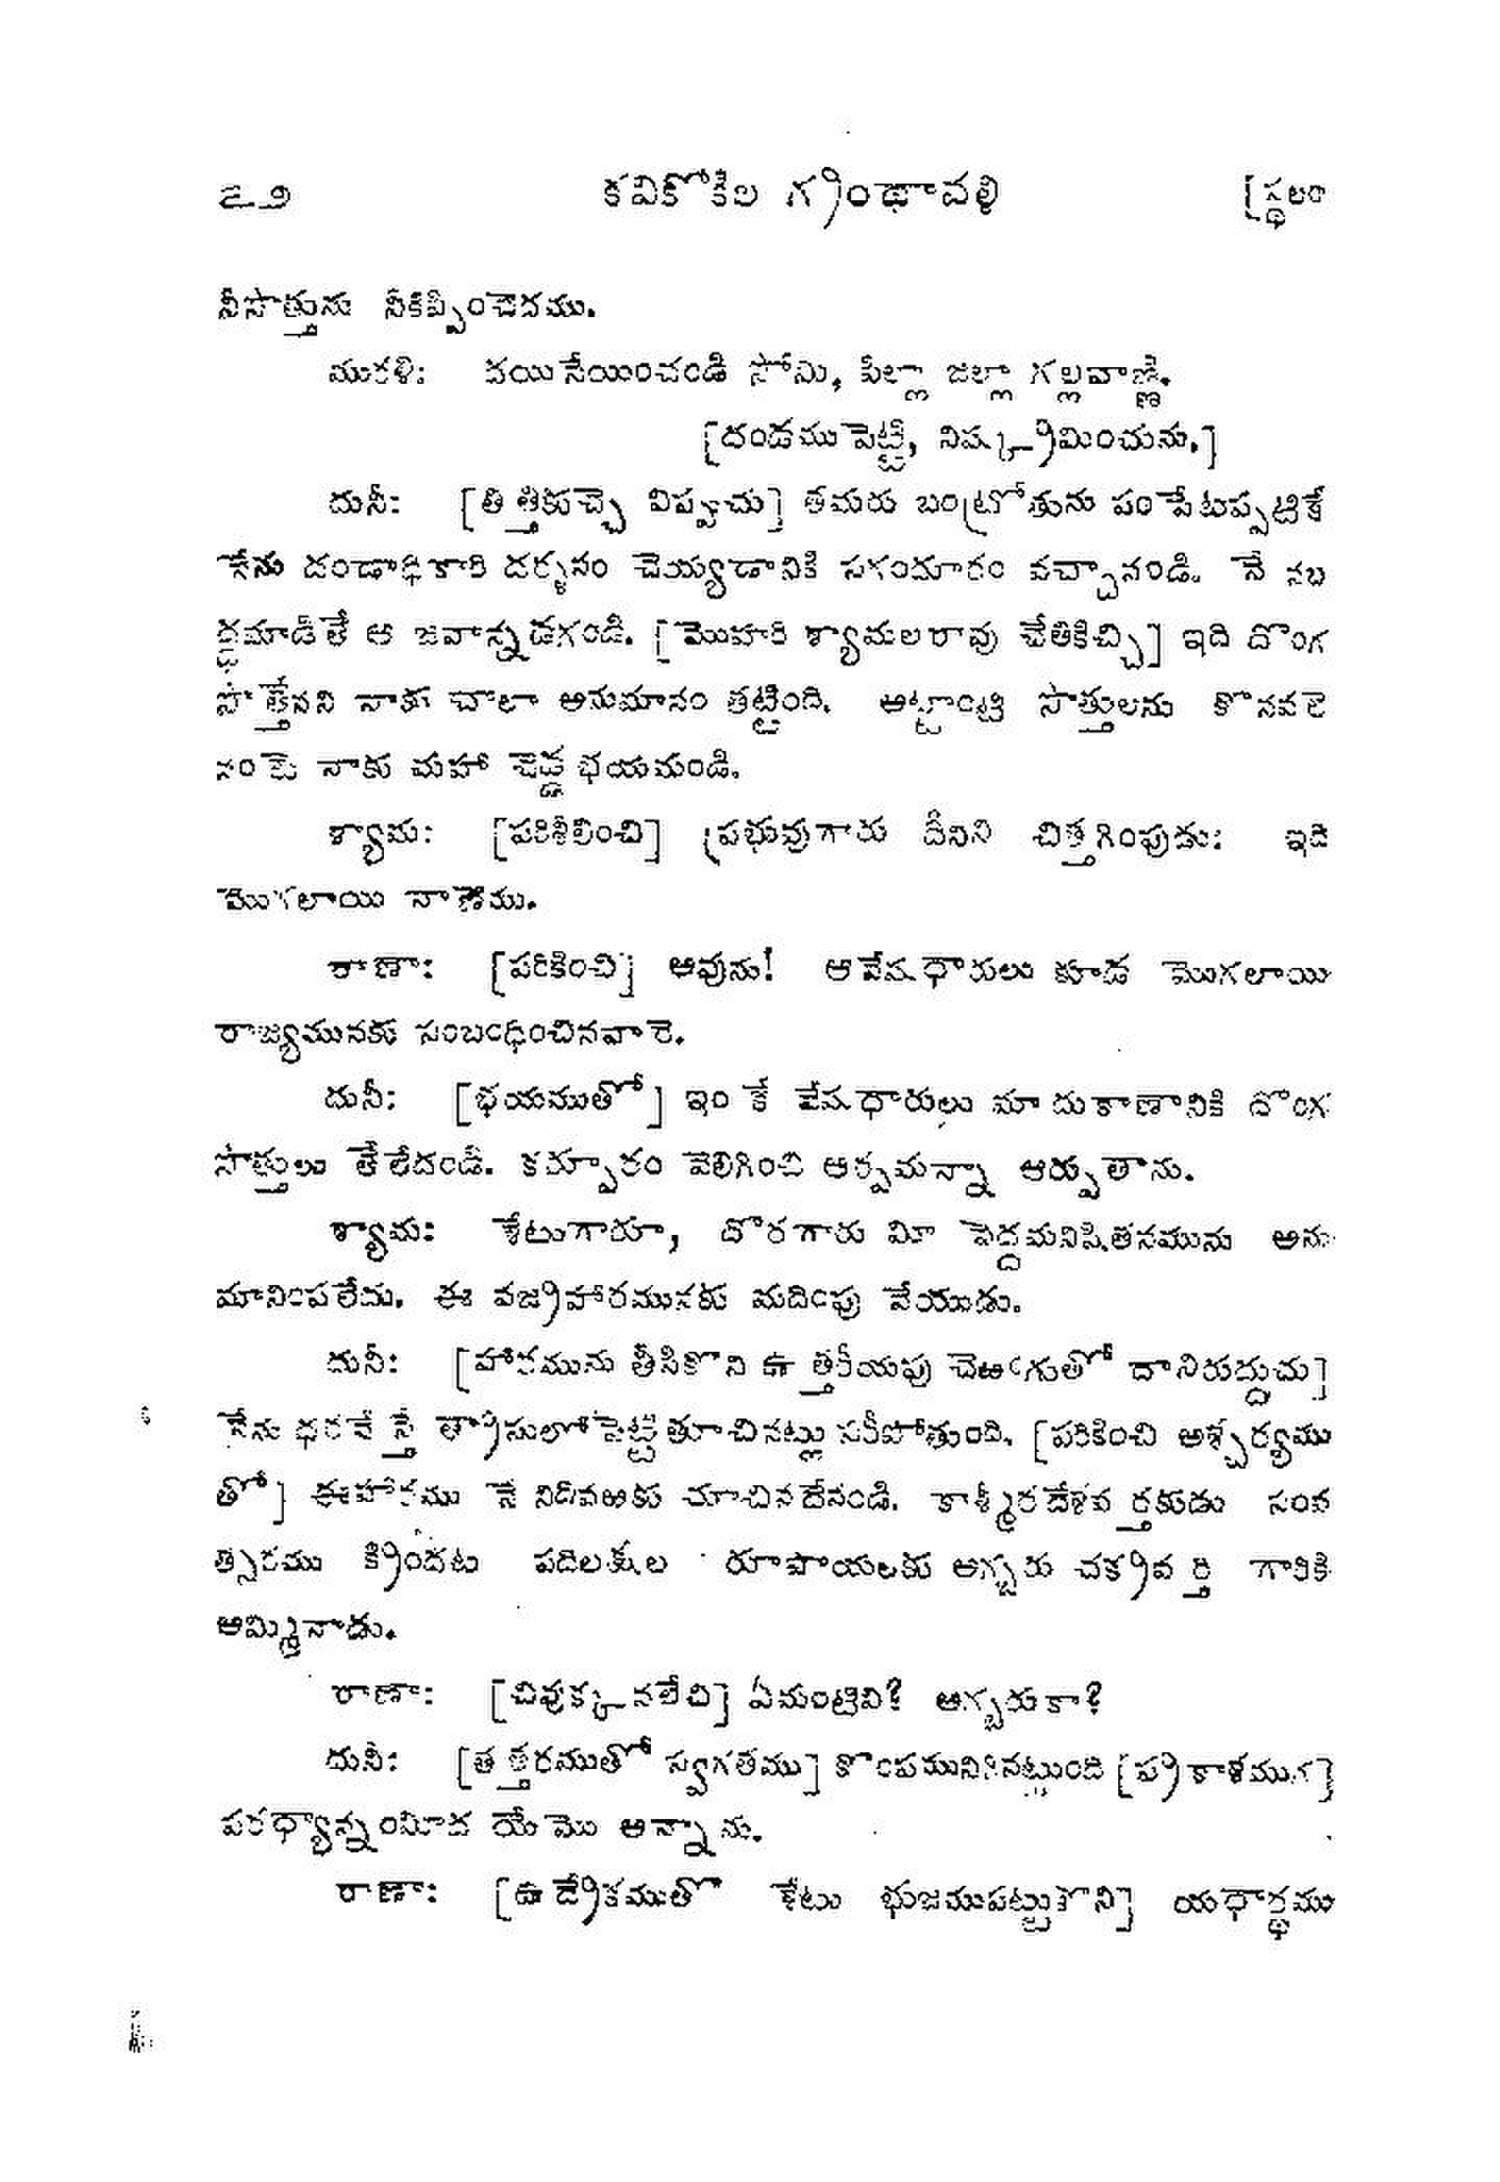నీసొత్తును నీకిప్పించెదము.

మురళి : దయిసేయించండి సోమి, పిల్లా జల్లా గల్లవాణ్ణి. [దండము పెట్టి, నిష్క్రమించును.]

దునీ : [తిత్తికుచ్చె విప్పుచు] తమరు బంట్రోతును పంపేటప్పటికే నేను దండాధికారి దర్శనం చెయ్యడానికి సగందూరం వచ్చానండి. నే నబద్ధమాడితే ఆ జవ్వాన్నడగండి. [మొహరి శ్యామలరావు చేతికిచ్చి] ఇది దొంగ సొత్తేనని నాకు చాలా అనుమానం తట్టింది. అట్టాంటి సొత్తులను కొనవలెనంటె నాకు మహా చెడ్డ భయమండి.

శ్యామ : [పరిశీలించి] ప్రభువుగారు దీనిని చిత్తగింపుడు: ఇది మొగలాయి నాణెము.

రాణా : [పరికించి] అవును ! ఆవేషధారులు కూడ మొగలాయి రాజ్యమునకు సంబంధించినవారె.

దునీ : [భయముతో] ఇంకే వేషధారులు మా దుకాణానికి దొంగ సొత్తులు తేలేదండి. కర్పూరం వెలిగించి ఆర్పమన్నా ఆర్పుతాను.

శ్యామ : శేటుగారూ, దొరగారు మీ పెద్దమనిషితనమును అనుమానింపలేదు. ఈ వజ్రహారమునకు మదింపు వేయుడు.

దునీ : [హారమును తీసికొని ఉత్తరీయపు చెఱఁగుతో దానిరుద్దుచు] నేను ధరవేస్తే త్రాసులోపెట్టి తూచినట్లు సరీపోతుంది. [పరికించి ఆశ్చర్యముతో] ఈహారము నే నిదివఱకు చూచినదేనండి. కాశ్మీరదేశవర్తకుడు సంవత్సరము క్రిందట పదిలక్షల రూపాయలకు అగ్బరు చక్రవర్తి గారికి అమ్మినాడు.

రాణా : [చివుక్కనలేచి] ఏమంటివి ? అగ్బరుకా?

దునీ : [తత్తరముతో స్వగతము] కొంపమునిగినట్టుంది [ప్రకాశముగ] పరధ్యాన్నంమీద యేమొ అన్నాను.

రాణా : [ఉద్రేకముతో శేటు భుజముపట్టుకొని] యధార్థము